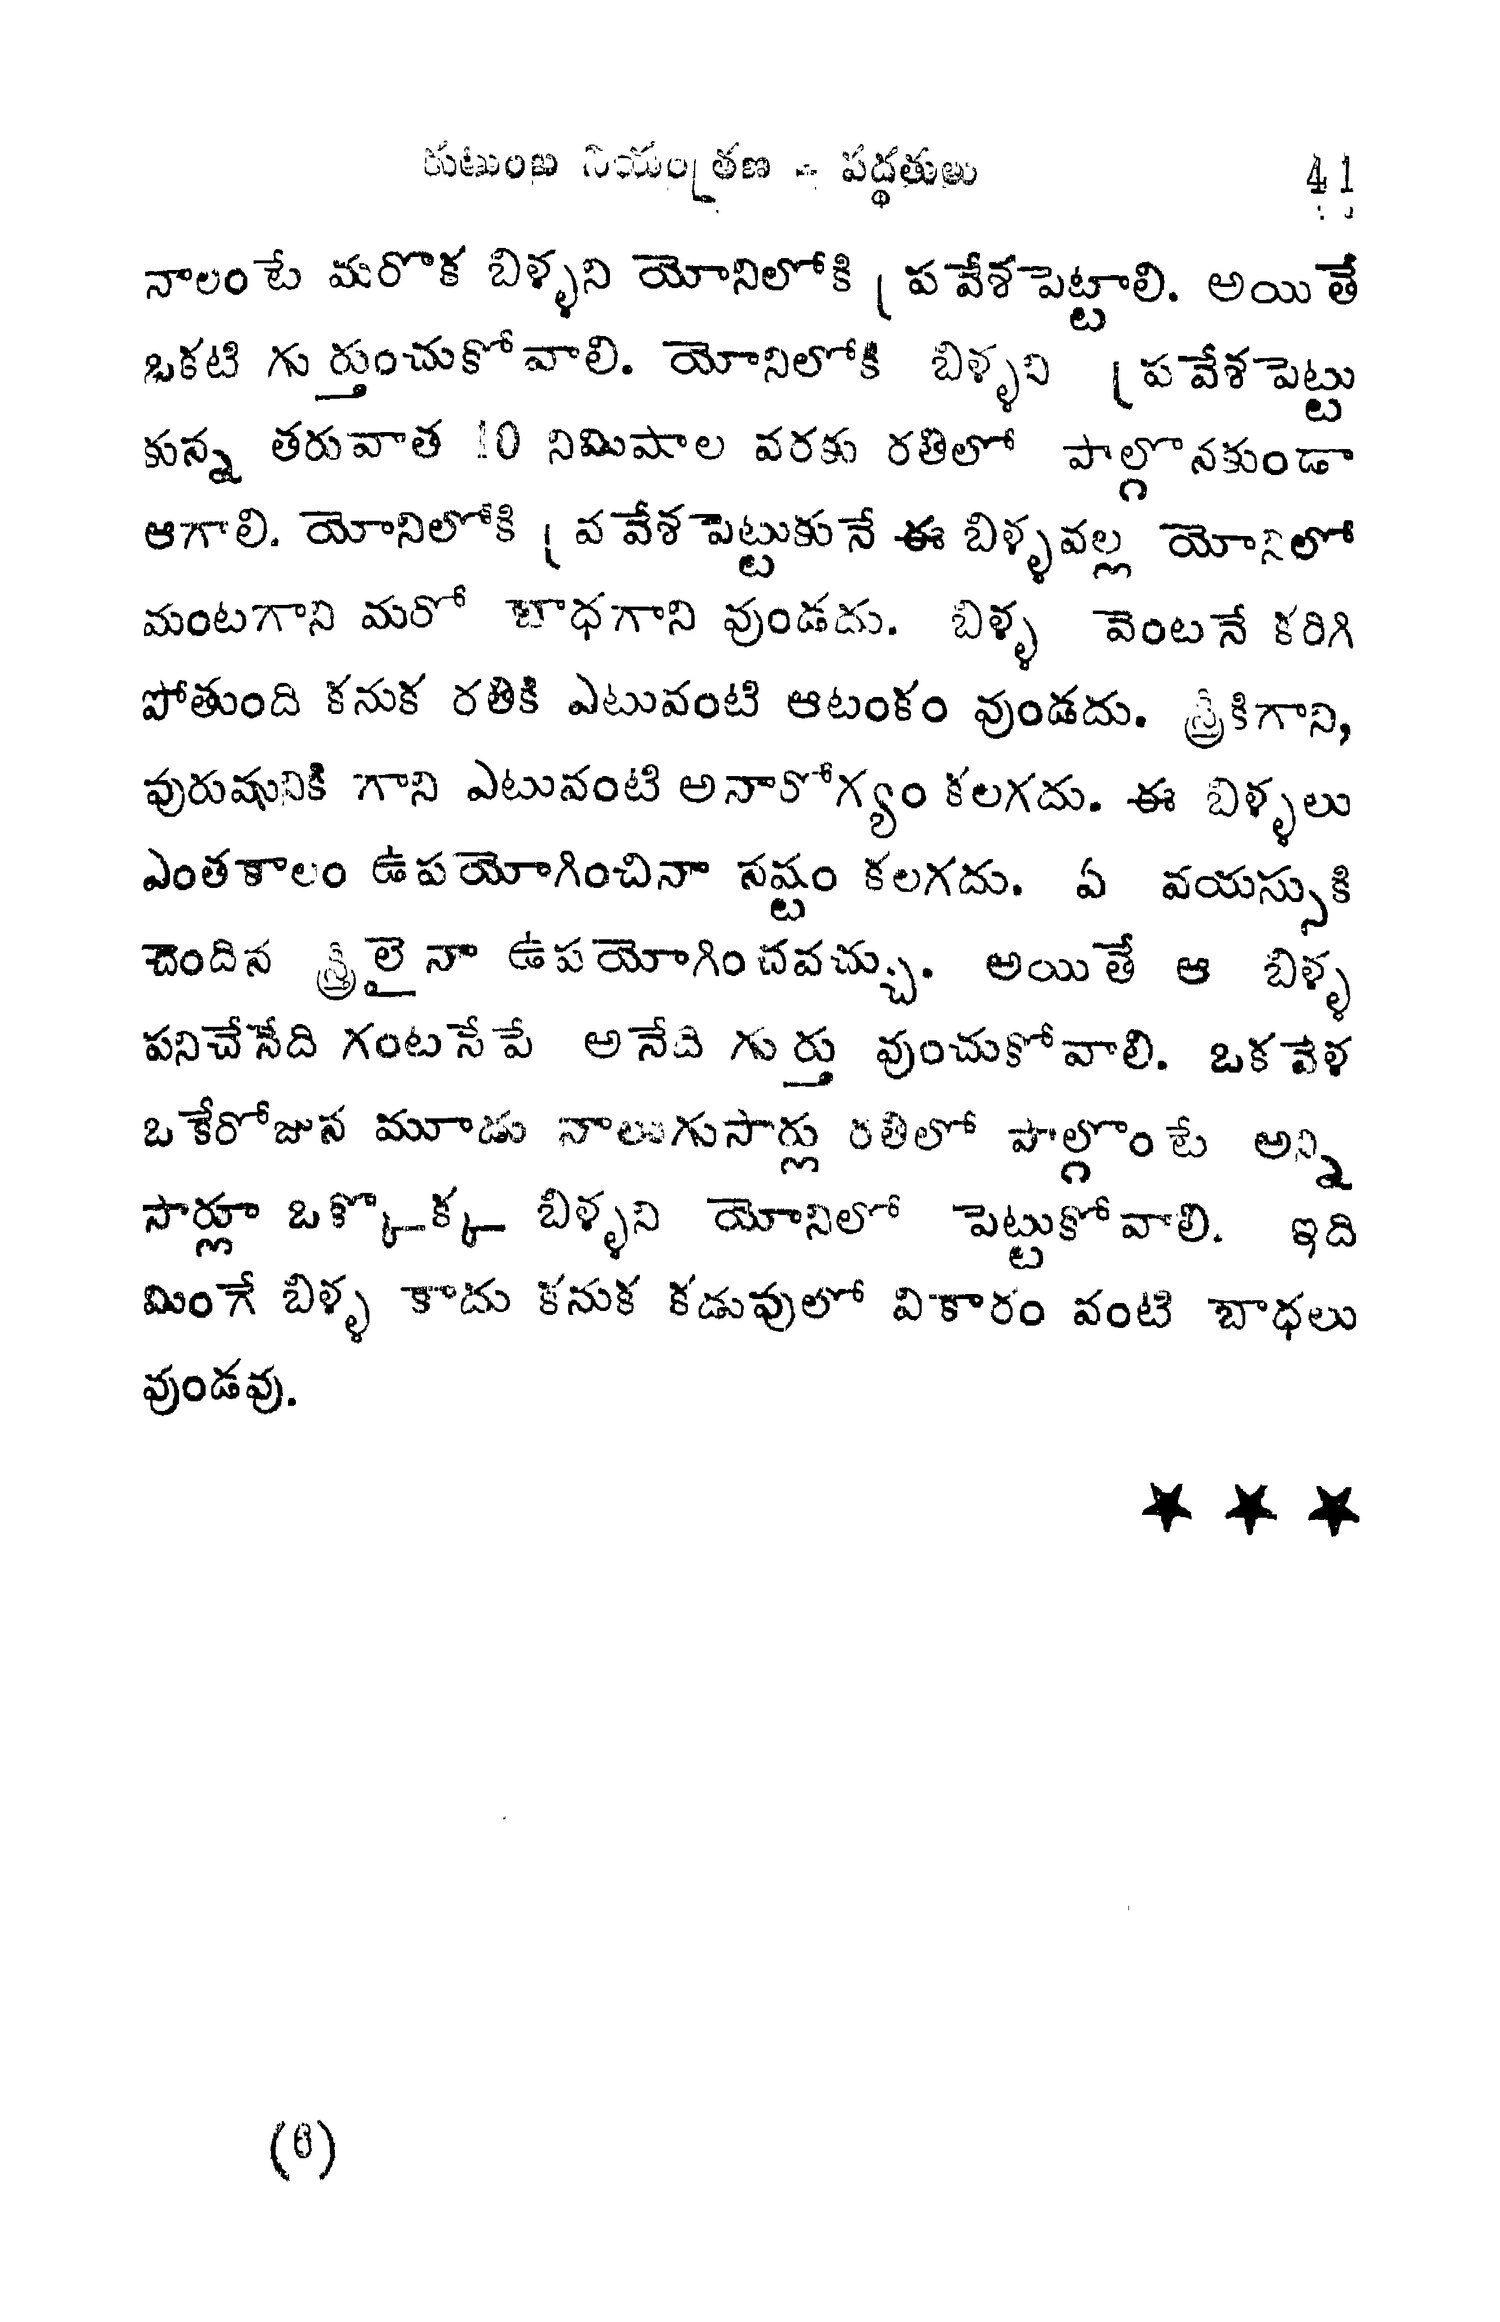నాలంటే మరొక బిళ్లని యోనిలోకి ప్రవేశపెట్టాలి. అయితే ఒకటి గుర్తుంచుకోవాలి. యోనిలోకి బిళ్ళని ప్రవేశపెట్టుకున్న తరువాత 10 నిమిషాల వరకు రతిలో పాల్గొనకుండా ఆగాలి. యోనిలోకి ప్రవేశపెట్టుకునే ఈ బిళ్ళలవల్ల యోనిలో మంటగాని మరో బాధగాని వుండదు. బిళ్ళ వెంటనే కరిగి పోతుంది కనుక రతికి ఎటువంటి ఆటంకం వుండదు. స్త్రీకిగాని, పురుషునికి గాని ఎటువంటి అనారోగ్యం కలగదు. ఈ బిళ్ళలు ఎంతకాలం ఉపఉయోగించినా నష్టం కలగదు. ఏ వయస్సుకి చెందిన స్త్రీలైనా ఉపయోగించవచ్చు. అయితే ఆ బిళ్ళ పనిచేసేది గంటసేపే అనేది గుర్తు వుంచుకోవాలి. ఒకవేళ ఒకేరోజున మూడు నాలుగుసార్లు రతిలో పాల్గొంటే అన్నిసార్లూ ఒక్కొక్క భిళ్ళని యోనిలో పెట్టుకోవాలి. ఇది మెంగే బిళ్ళ కాదు కనుక కడుపులో వికారం వంటి బాధలు వుండవు.
 * * *